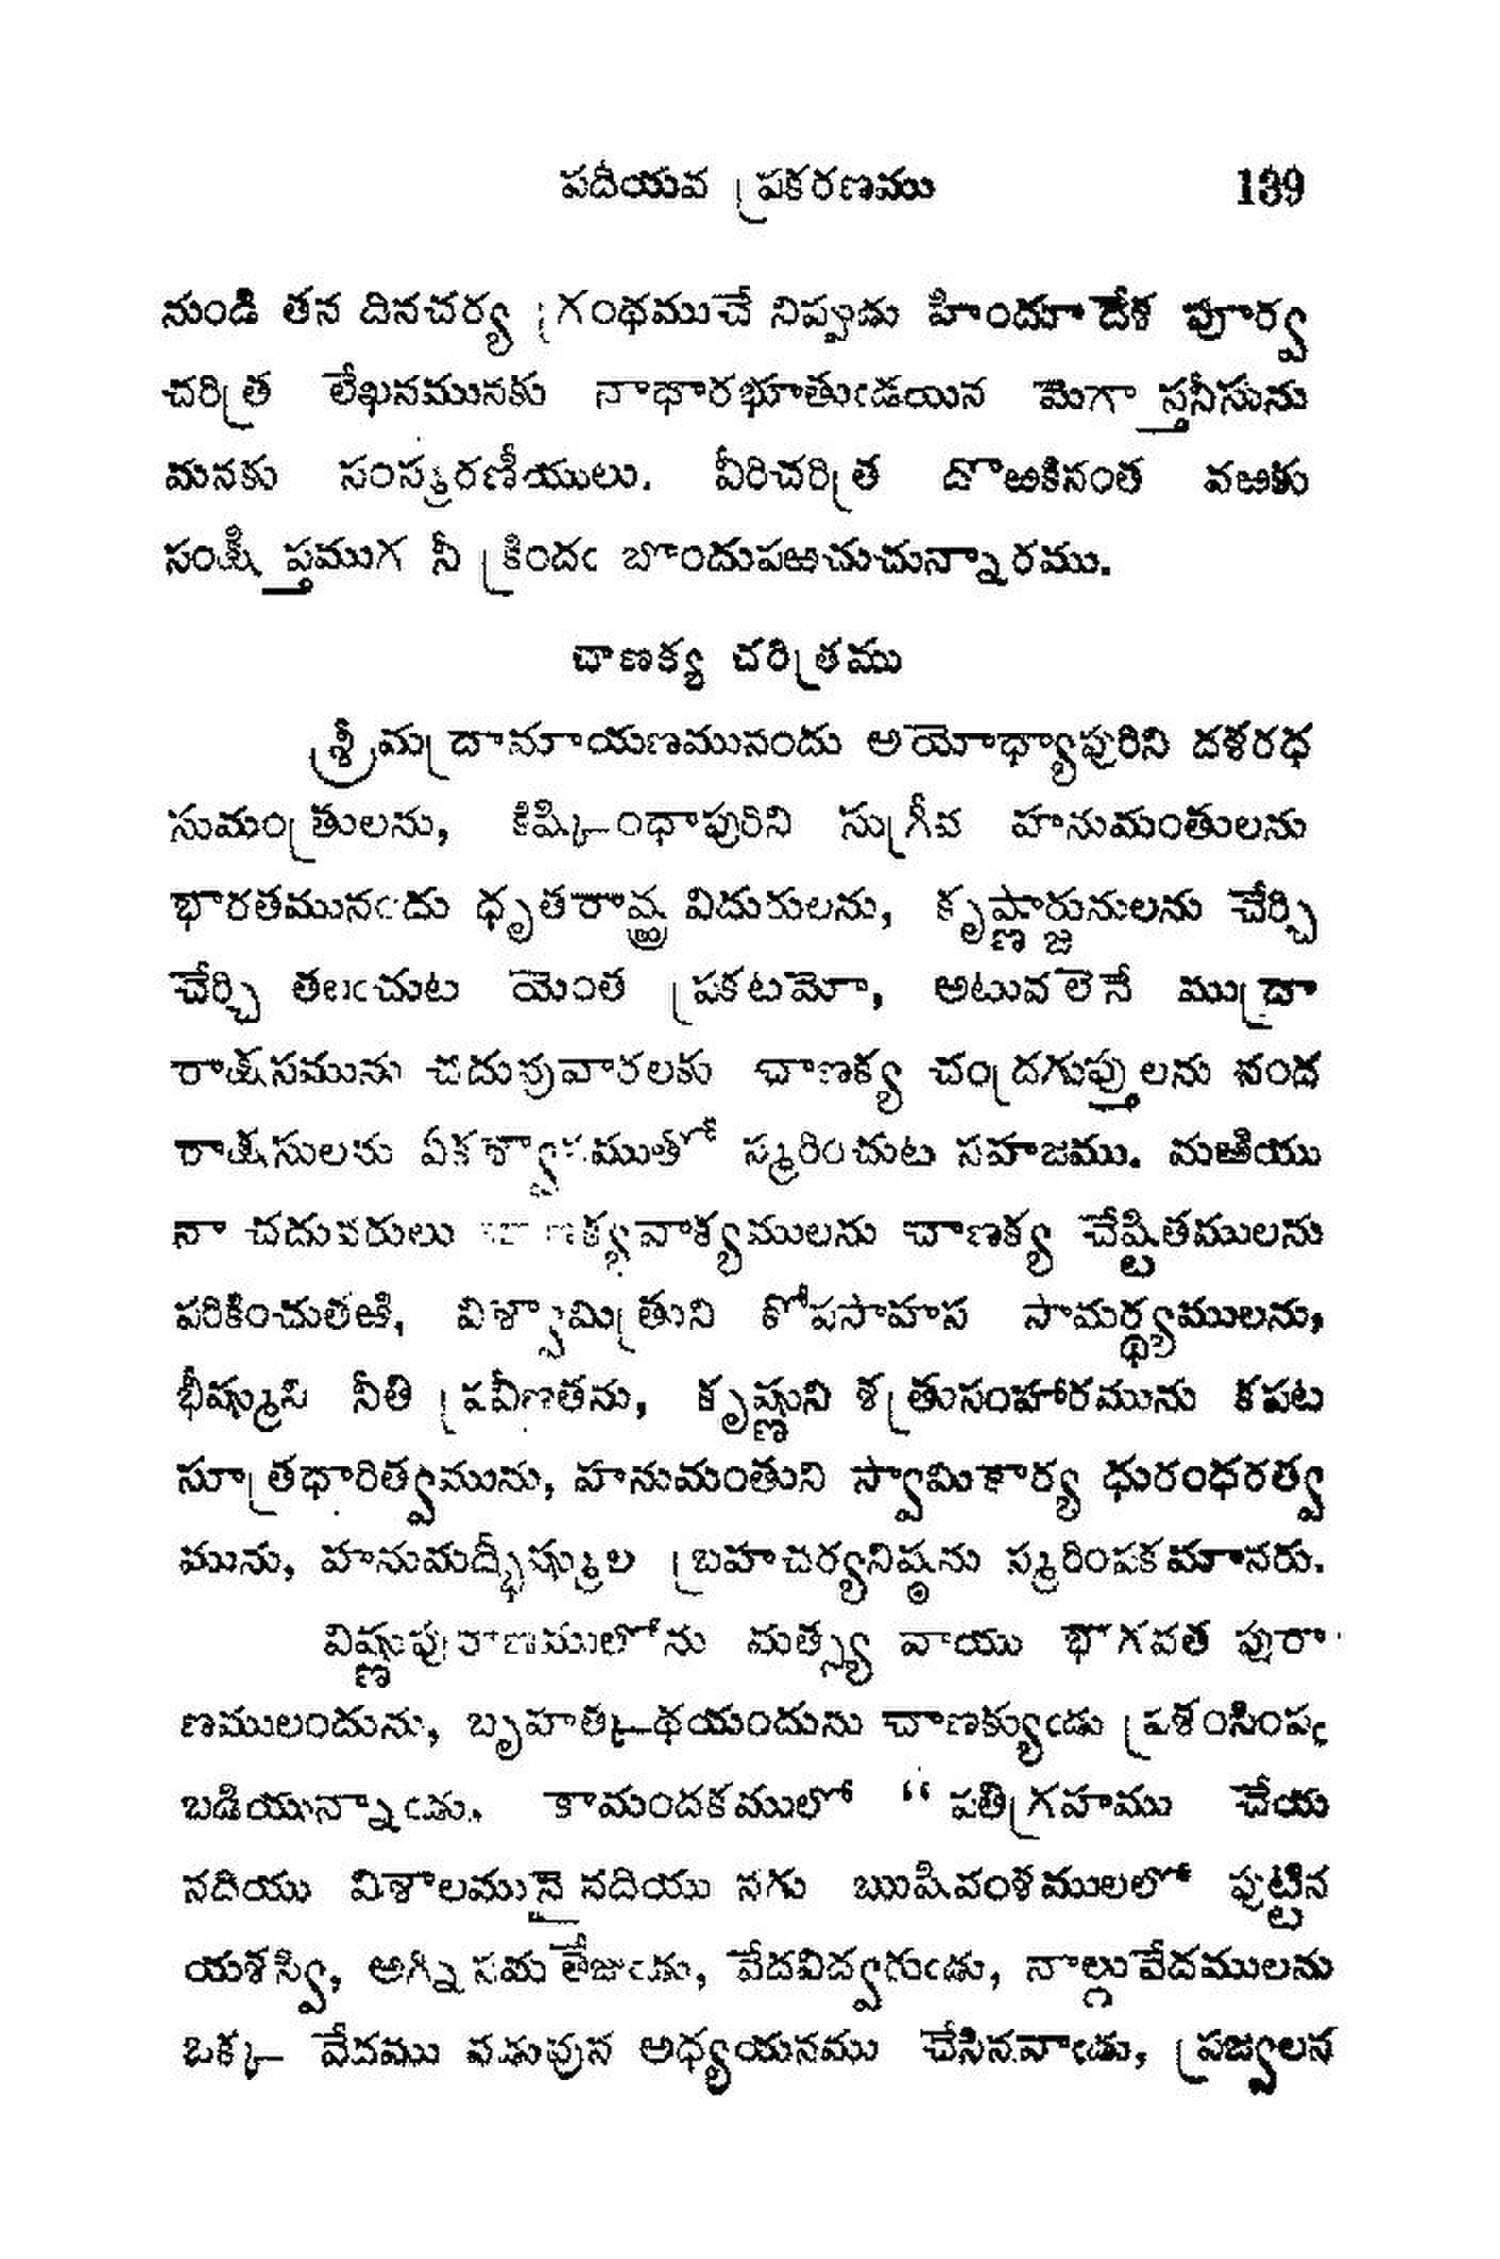నుండి తన దినచర్య గ్రంథముచే నిప్పుడు హిందూదేశ పూర్వచరిత్ర లేఖనమునకు నాధారభూతుఁడయిన మెగాస్తనీసును మనకు సంస్మరణీయులు. వీరిచరిత్ర దొఱికినంత వఱకు సంక్షిప్తముగ నీ క్రిందఁ బొందుపఱచుచున్నారము.

చాణక్య చరిత్రము

శ్రీమద్రామాయణమునందు అయోధ్యాపురిని దశరధ సుమంత్రులను, కిష్కింధాపురిని సుగ్రీవ హనుమంతులను భారతమునందు ధృతరాష్ట్ర విదురులను, కృష్ణార్జునులను చేర్చి చేర్చి తలఁచుట యెంత ప్రకటమో, అటువలెనే ముద్రా రాక్షసమును చదువువారలకు చాణక్య చంద్రగుప్తులను నంద రాక్షసులను ఏకశ్వాసముతో స్మరించుట సహజము. మఱియు నా చదువరులు చాణక్యవాక్యములను చాణక్య చేష్టితములను పరికించుతఱి, విశ్వామిత్రుని కోపసాహస సామర్థ్యములను, భీష్ముని నీతి ప్రవీణతను, కృష్ణుని శత్రుసంహారమును కపట సూత్రధారిత్వమును, హనుమంతుని స్వామికార్య ధురంధరత్వమును, హనుమద్భీష్ముల బహచర్యనిష్ఠను స్మరింపకమానరు.

విష్ణుపురాణములోను మత్స్య వాయు భాగవత పురాణములందును, బృహత్కథయందుసు చాణక్యుఁడు ప్రశంసింపఁ బడియున్నాఁడు. కామందకములో "పతిగ్రహము చేయనదియు విశాలమునైనదియు నగు ఋషివంశములలో పుట్టిన
యశస్వి, అగ్నిసమతేజుఁడు, వేదవిద్వరుఁడు, నాల్గువేదములను ఒక్క వేదము పడువున అధ్యయనము చేసినవాఁడు, ప్రజ్వలన